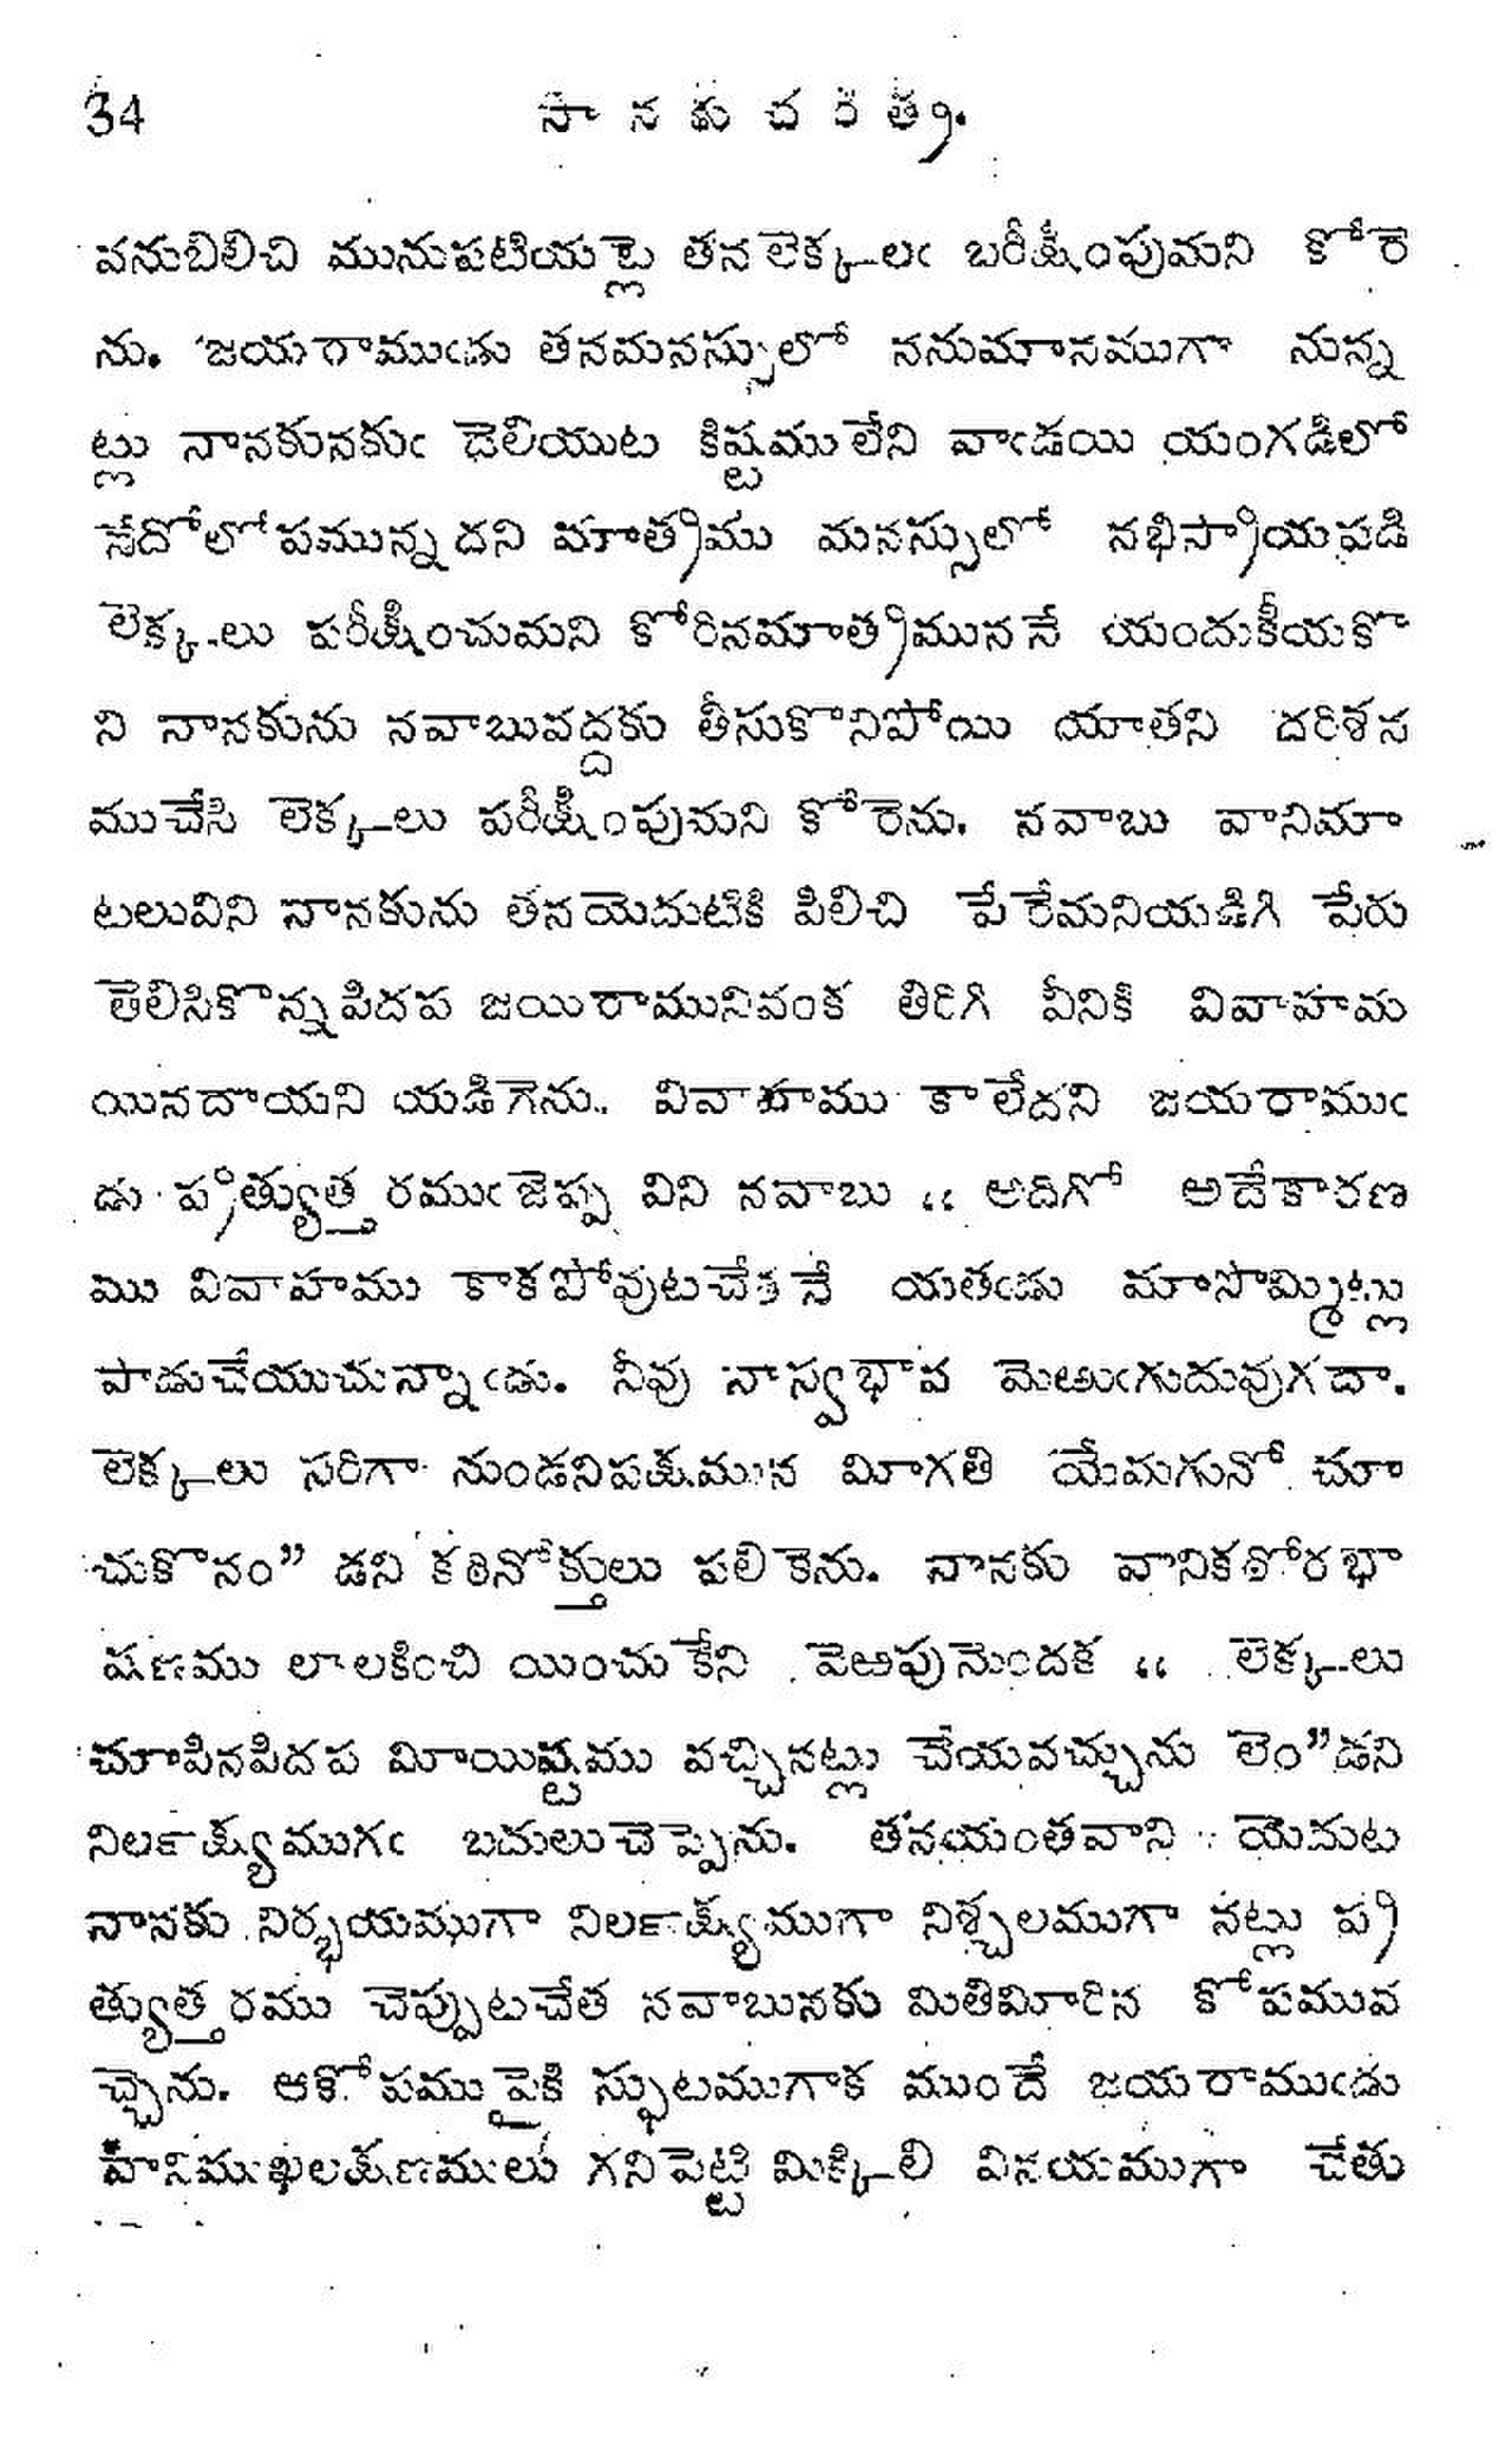వనుబిలిచి మునుపటియట్లె తనలెక్కల బరీక్షింపుమని కోరెను. జయరాముడు తనమనస్సులో ననుమానముగా నున్నట్లు నానకునకు దెలియుట కిష్టములేని వాడయి యంగడిలో నేదోలోపమున్నదని మాత్రము మనస్సులో నభిప్రాయపడి లెక్కలు పరీక్షించుమని కోరినమాత్రముననే యందుకీయకొని నానకును నవాబువద్దకు తీసుకొనిపోయి యాతని దరిశనముచేసి లెక్కలు పరీక్షింపుమని కోరెను. నవాబు వానిమాటలువిని నానకును తనయెదుటికి పిలిచి పేరేమనియడిగి పేరు తెలిసికొన్నపిదప జయరామునివంక తిరిగి వీనికి వివాహమయినదాయని యడిగెను. వివాహము కాలేదని జయరాముడు ప్రత్యుత్తరము జెప్ప విని నవాబు "అదిగో అదేకారణము వివాహము కాకపోవుటచేతనే యతడు మాసొమ్మిట్లు పాడుచేయుచున్నాడు. నీవు నాస్వభావ మెఱుగుదువుగదా. లెక్కలు సరిగా నుండనిపక్షమున మీగతి యేమగునో చూచుకొనం" డని కఠినోక్తులు పలికెను. నానకు వానికఠోరభాషణము లాలకించి యించుకేని వెఱపునొందక "లెక్కలు చూపినపిదప మీయిష్టము వచ్చినట్లు చేయవచ్చును లెం"డని నిలన్‌క్ష్యముగ బదులుచెప్పెను. తనయంతవాని యెదుట నానకు నిర్భయముగా నిలన్‌క్ష్యముగా నిశ్చలముగా నట్లు ప్రత్యుత్తరము చెప్పుటచేత నవాబునకు మితిమీరిన కోపమువచ్చెను. ఆకోపముపైకి స్ఫుటముగాక ముందే జయరాముడు వానిముఖలక్షణములు గనిపెట్టి మిక్కిలి వినయముగా చేతు